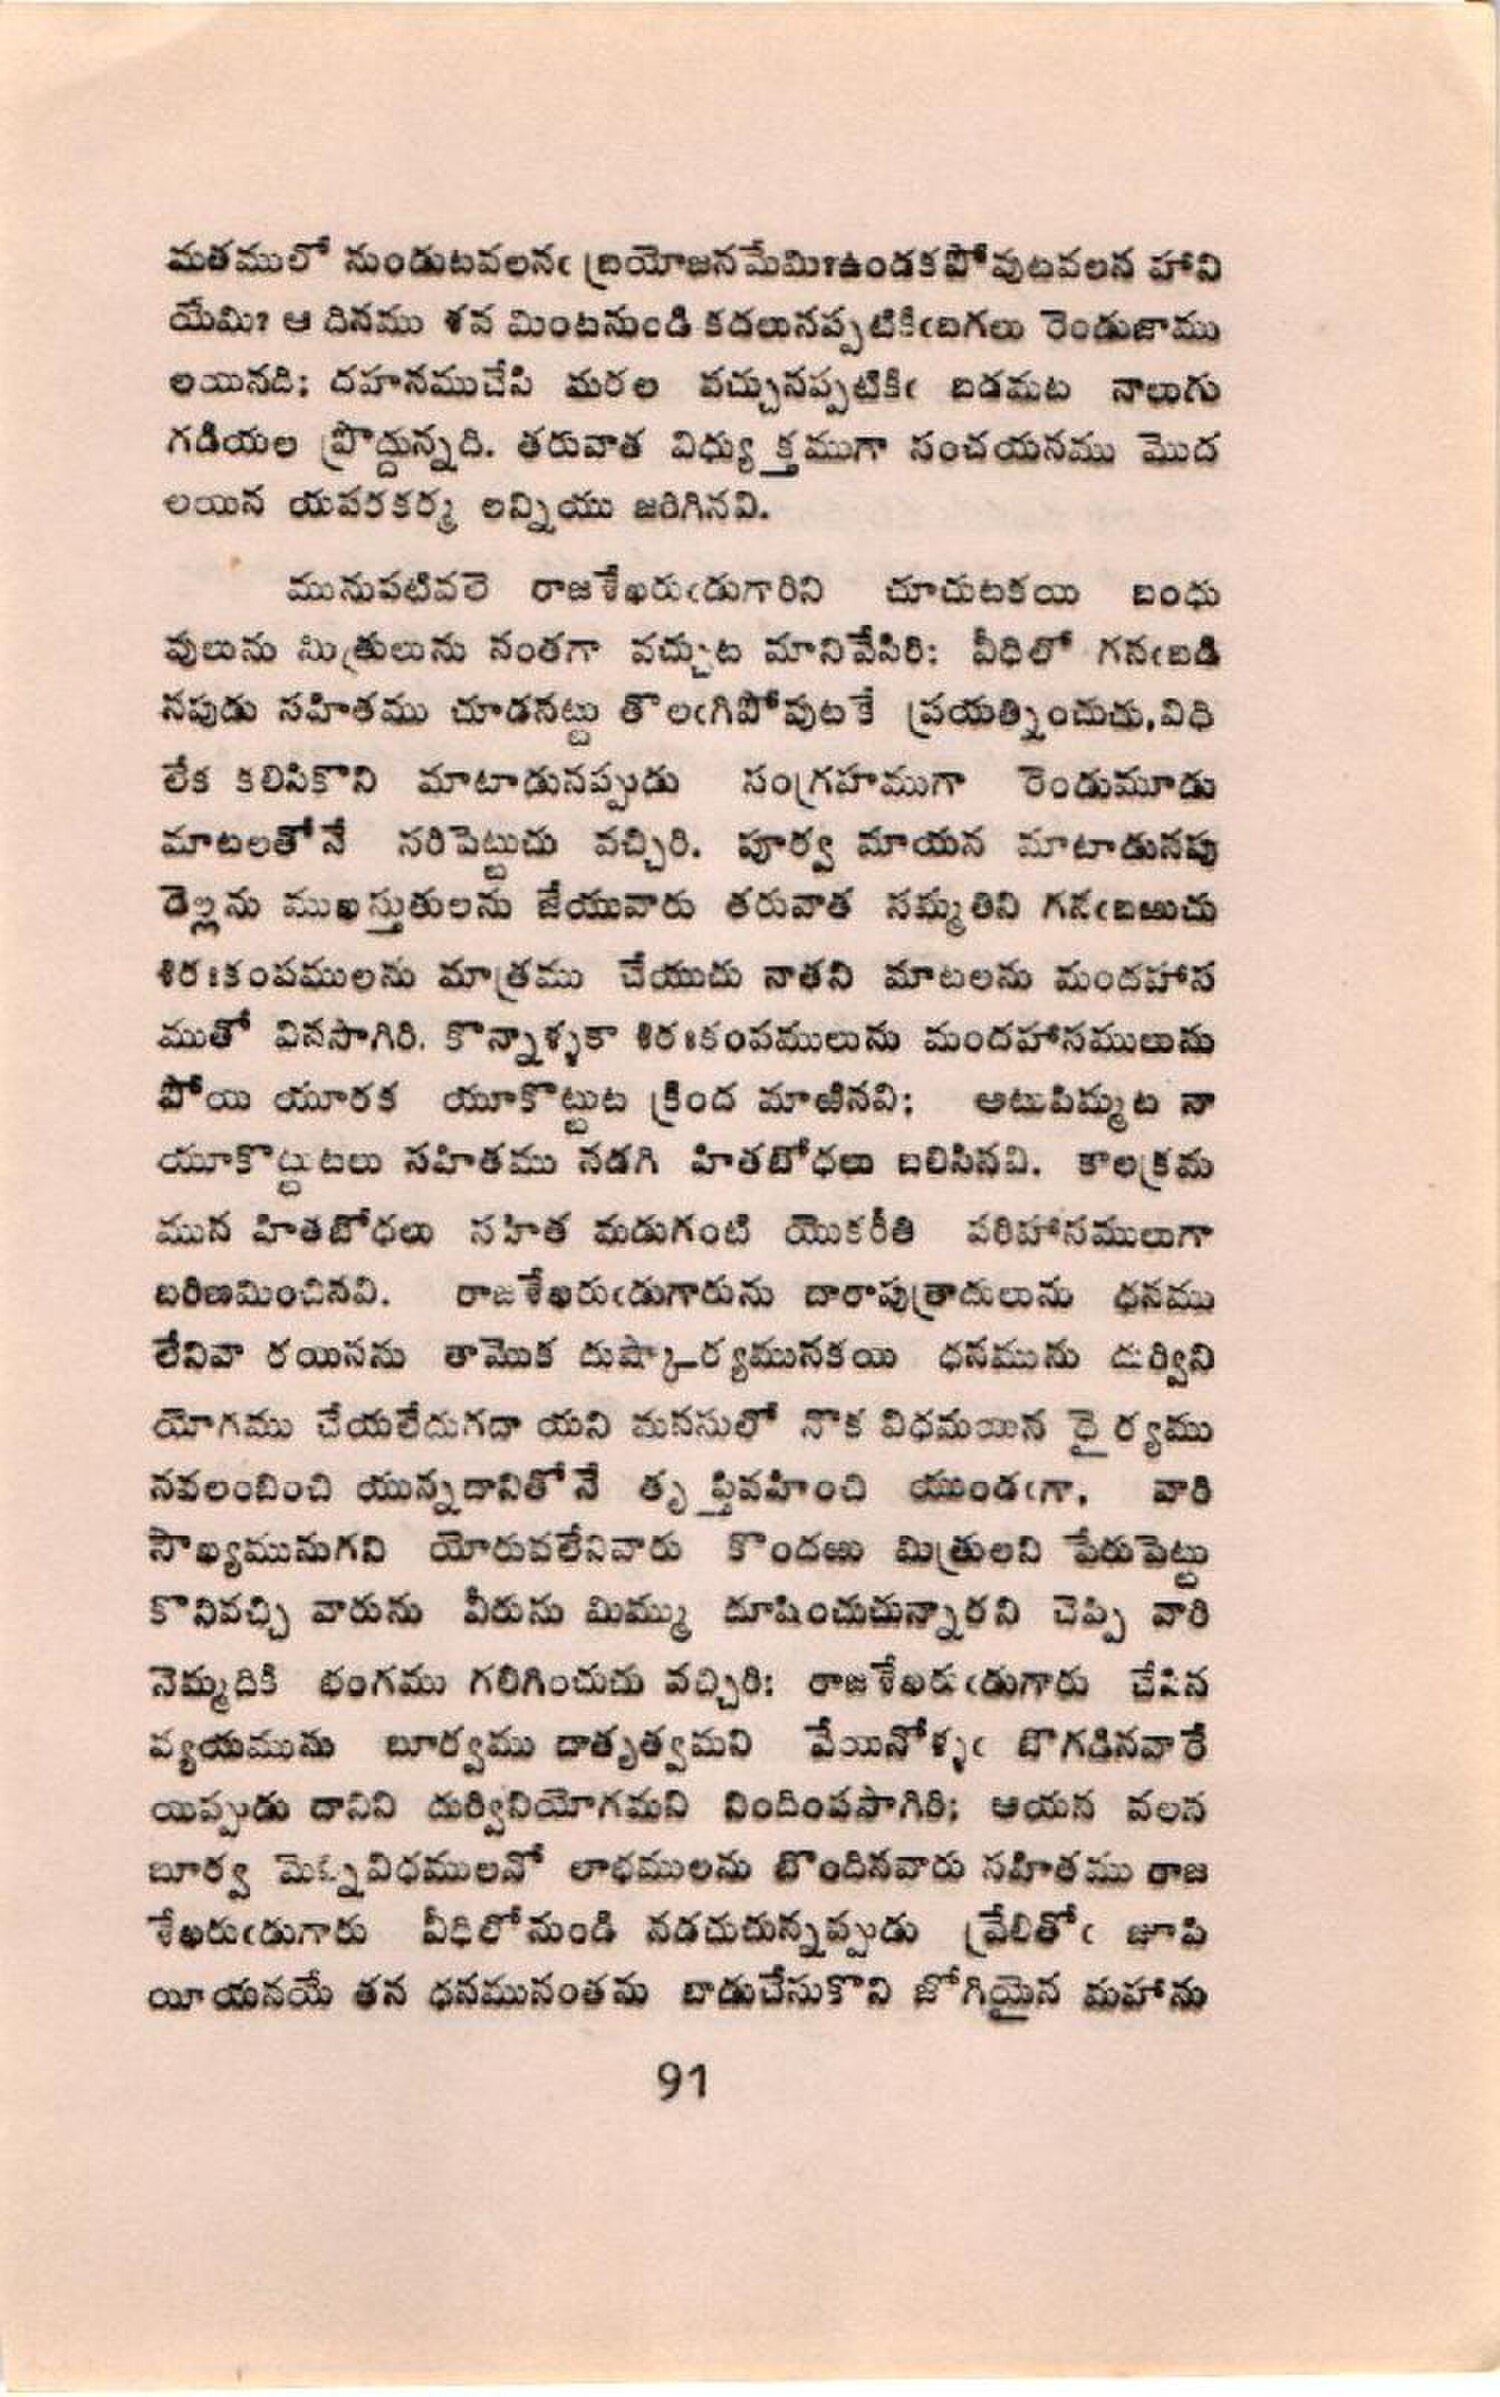మతములో నుండుటవలనఁ బ్రయోజనమేమి?ఉండకపోవుటవలన హాని యేమి? ఆ దినము శవ మింటనుండి కదలునప్పటికిఁ బగలు రెండుజాము లయినది; దహనముచేసి మరల వచ్చునప్పటికిఁ బడమట నాలుగు గడియల ప్రొద్దున్నది. తరువాత విధ్యుక్తముగా సంచయనము మొదలయిన యపరకర్మ లన్నియు జరిగినవి.

మునుపటివలె రాజశేఖరుఁడుగారిని చూచుటకయు బంధువులను మిత్రులును నంతగా వచ్చుట మానివేసిరి; వీధిలో గనఁబడి నపుడు సహితము చూడనట్టు తొలగిపోవుటకే ప్రయత్నించుచు, విధి లేక కలిసికొని మాటాడునప్పుడు సంగ్రహముగా రెండుమూడు మాటలతోనే సరిపెట్టుచు వచ్చిరి. పూర్వ మాయన మాటాడునపు డెల్లను ముఖస్తుతులను జేయువారు తరువాత సమ్మతిని గనఁబఱుచు శిర:కంపములను మాత్రము చేయుదు నాతని మాటలను మందహాస ముతో వినసాగిరి. కొన్నాళ్ళకా శిరకంపములును మందహాసములును పోయి యూరక యూకొట్టుట క్రింద మాఱినవి; అటుపిమ్మట నా యూకొట్టుటలు సహితము నడగి హితబోధలు బలిసినవి. కాలక్రమ మున హితబోధలు సహిత మడుగంటి యొకరీతి పరిహాసములుగా బరిణమించినవి. రాజశేఖరుఁడుగారును దారాపుత్రాదులును ధనము లేనివారయినను తామొక దుష్కార్యమునకయి ధనమును దుర్విని యోగము చేయలేదుగదా యని మనసులో నొక విధమయిన కైర్యము నవలంబించి యున్నదానితోనే తృప్తి వహించి యుండగా, వారి సౌఖ్యమునుగని యోరువలేనివారు కొందఱు మిత్రులని పేరుపెట్టు కొనివచ్చి వారును వీరును మిమ్ము దూషించుచున్నారని చెప్పి వారి నెమ్మదికి భంగము గలిగించుచు వచ్చిరి: రాజశేఖరుఁడుగారు చేసిన వ్యయమును బూర్వము దాతృత్వమని వేయినోళ్ళ బొగడినవారే యిప్పుడు దానిని దుర్వినియోగమని నిందింపసాగిరి; ఆయన వలన బూర్వ మెన్నివిధములనో లాభములను బొందినవారు సహితము రాజ శేఖరుఁడుగారు వీధిలోనుండి నడచుచున్నప్పుడు వ్రేలితోఁ జూపి యీయనయే తన ధనమునంతను బాడుచేసుకొని జోగియైన మహాను